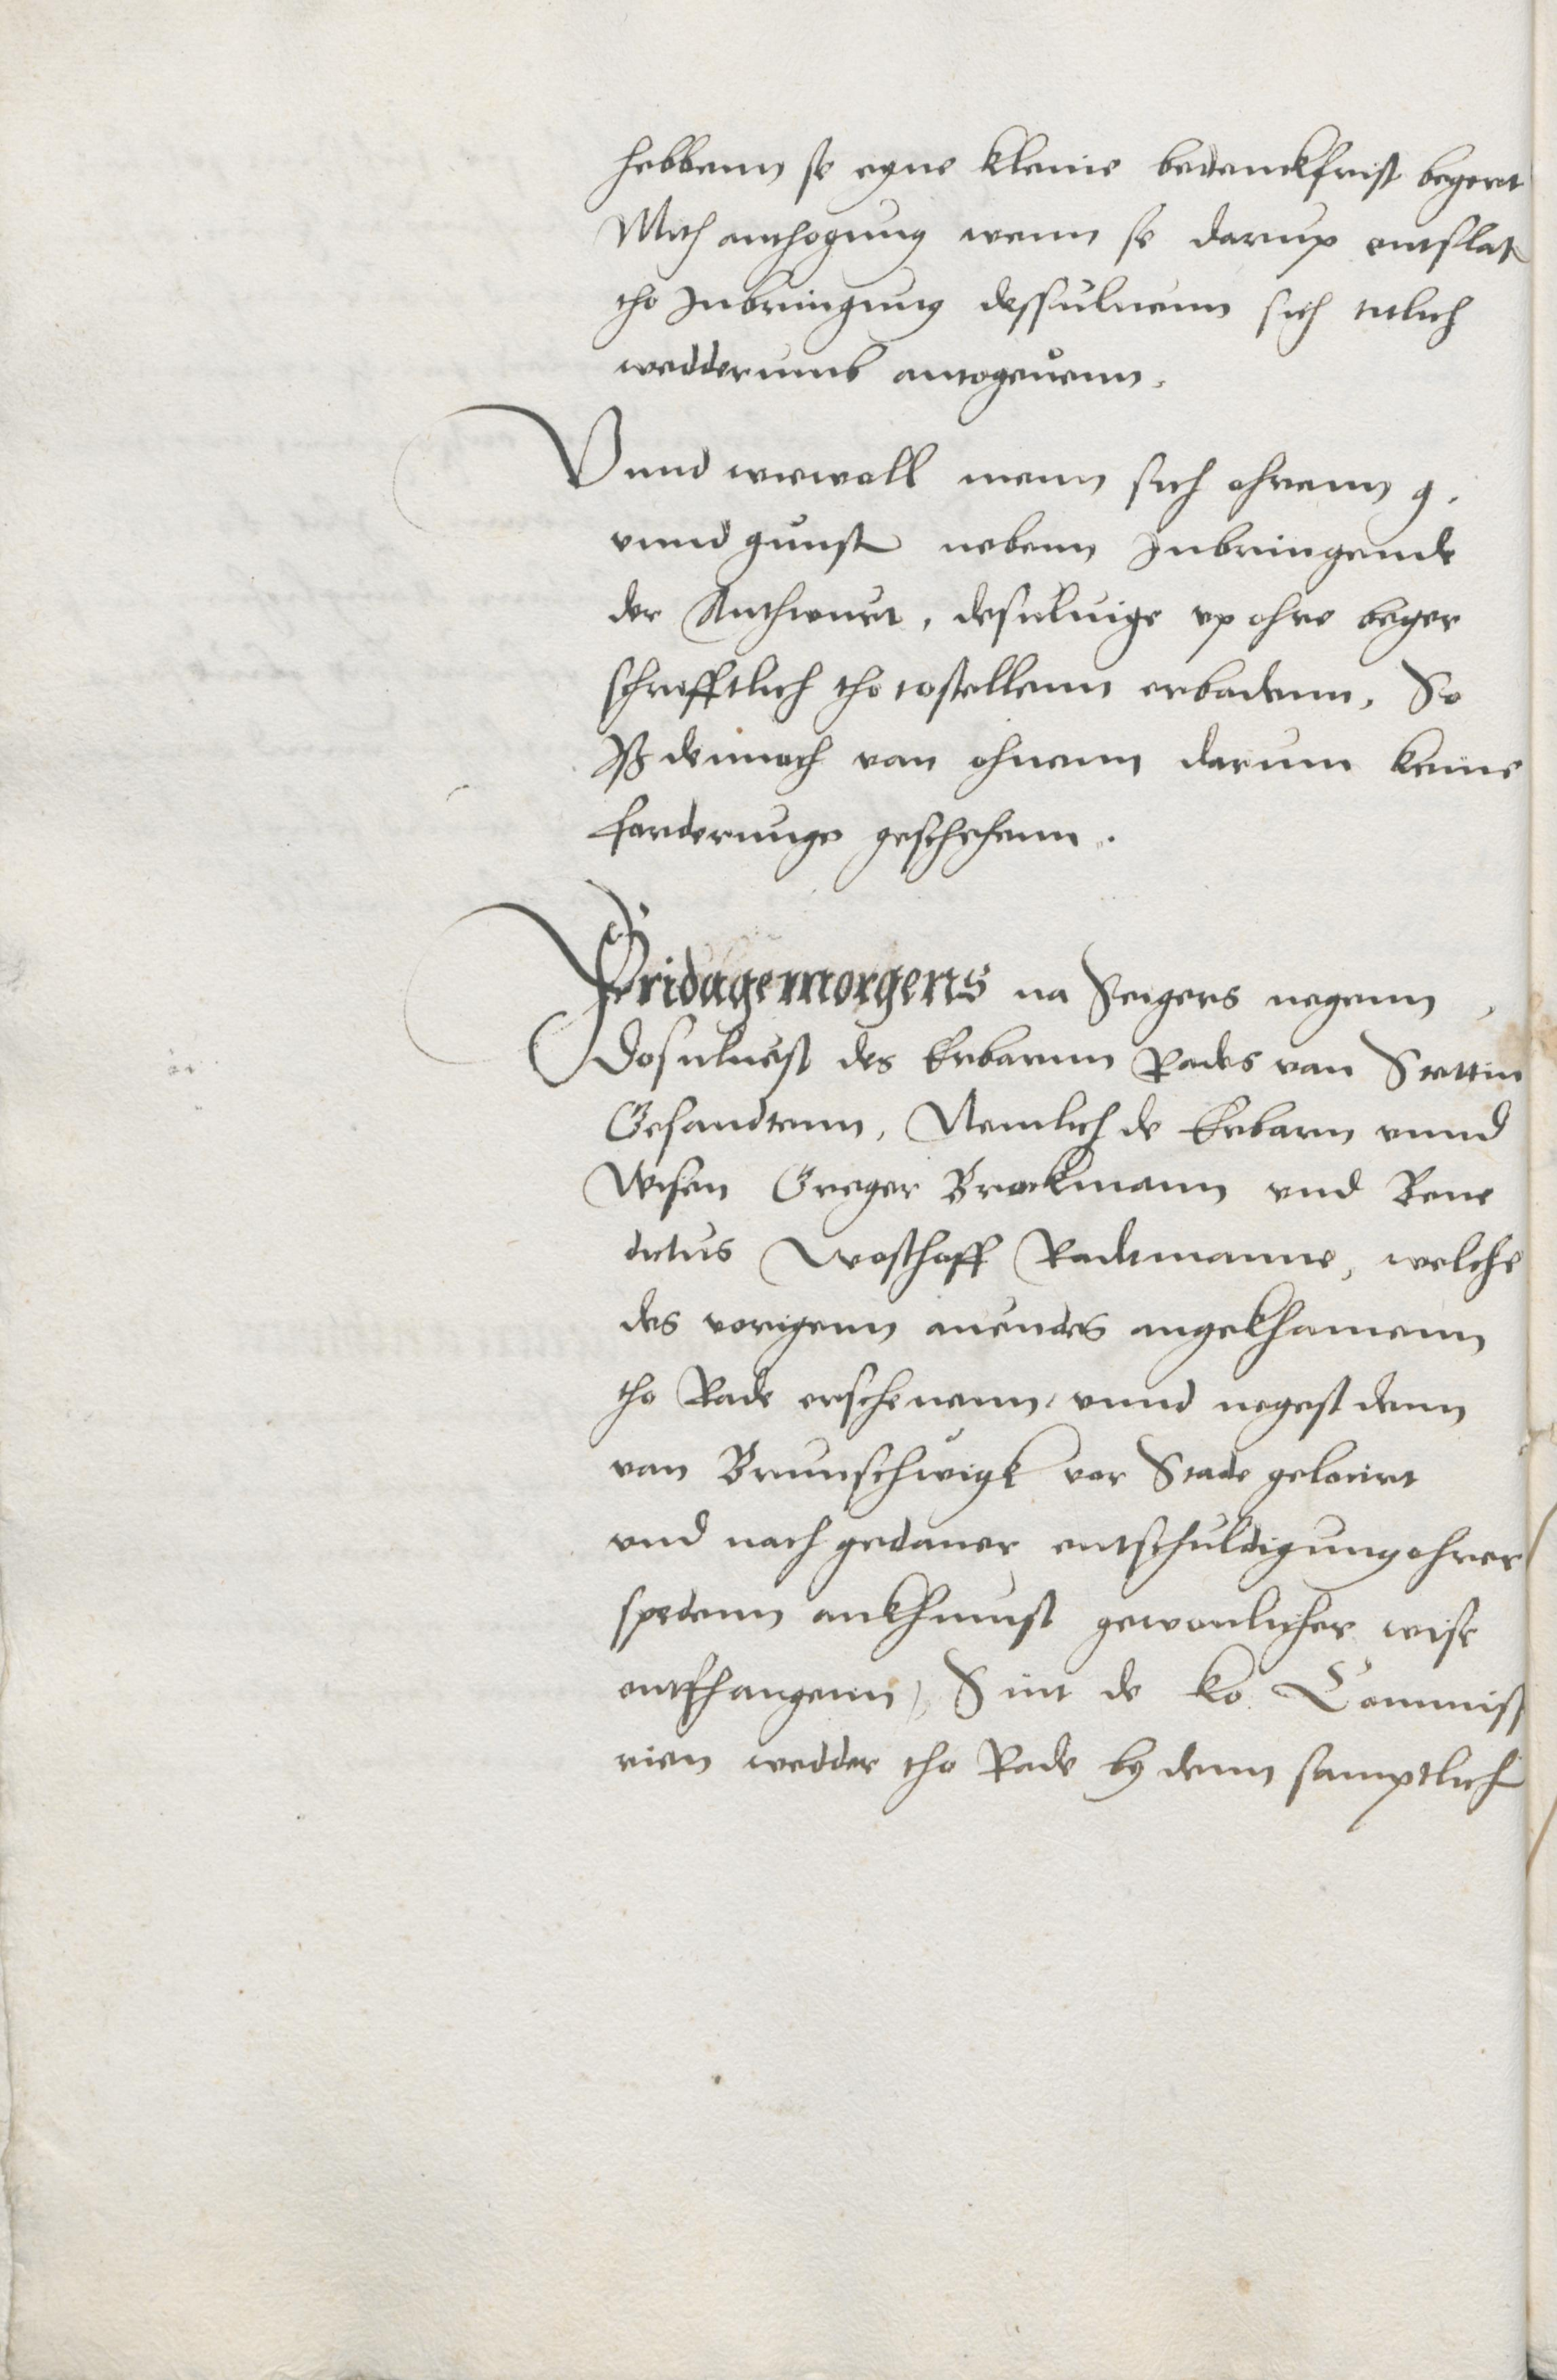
hebbenn se eyne kleine bedenckfrist begert
Mith anthogung wenn se darup entslaten
tho Jnbringung dessuluenn sich titlich
wedderumb antogeuenn.
Vnnd wiewoll menn sich ohrenn g.
vnnd gunsten nebenn Jnbringende
der Anthwurt, desuluige vp ohre beger
schrifftlich tho tostellenn erbadenn, So
Jß dennoch van ohnenn darum keine
forderunge geschehenn.
Fridage morgens na Seigers negenn
dosuluest des Erbarnn Rades van Stettin
Gesandtenn, Nemlich de Erbarn vnnd
Wisen Greger Brockmann vnd Bene¬
dictus Wosthoff Radtmanne, welche
des vorigenn auendes angekhamenn
tho Rade erschenenn, vnnd negest denn
van Brunschwigk vor Stade gelocirt
vnd nach gedaner entschuldigung ohrer
spedenn ankhumst gewonlicher wise
entfhangenn, Sint de Ko: Commissa
rien wedder tho Rade by denn samptlichen
